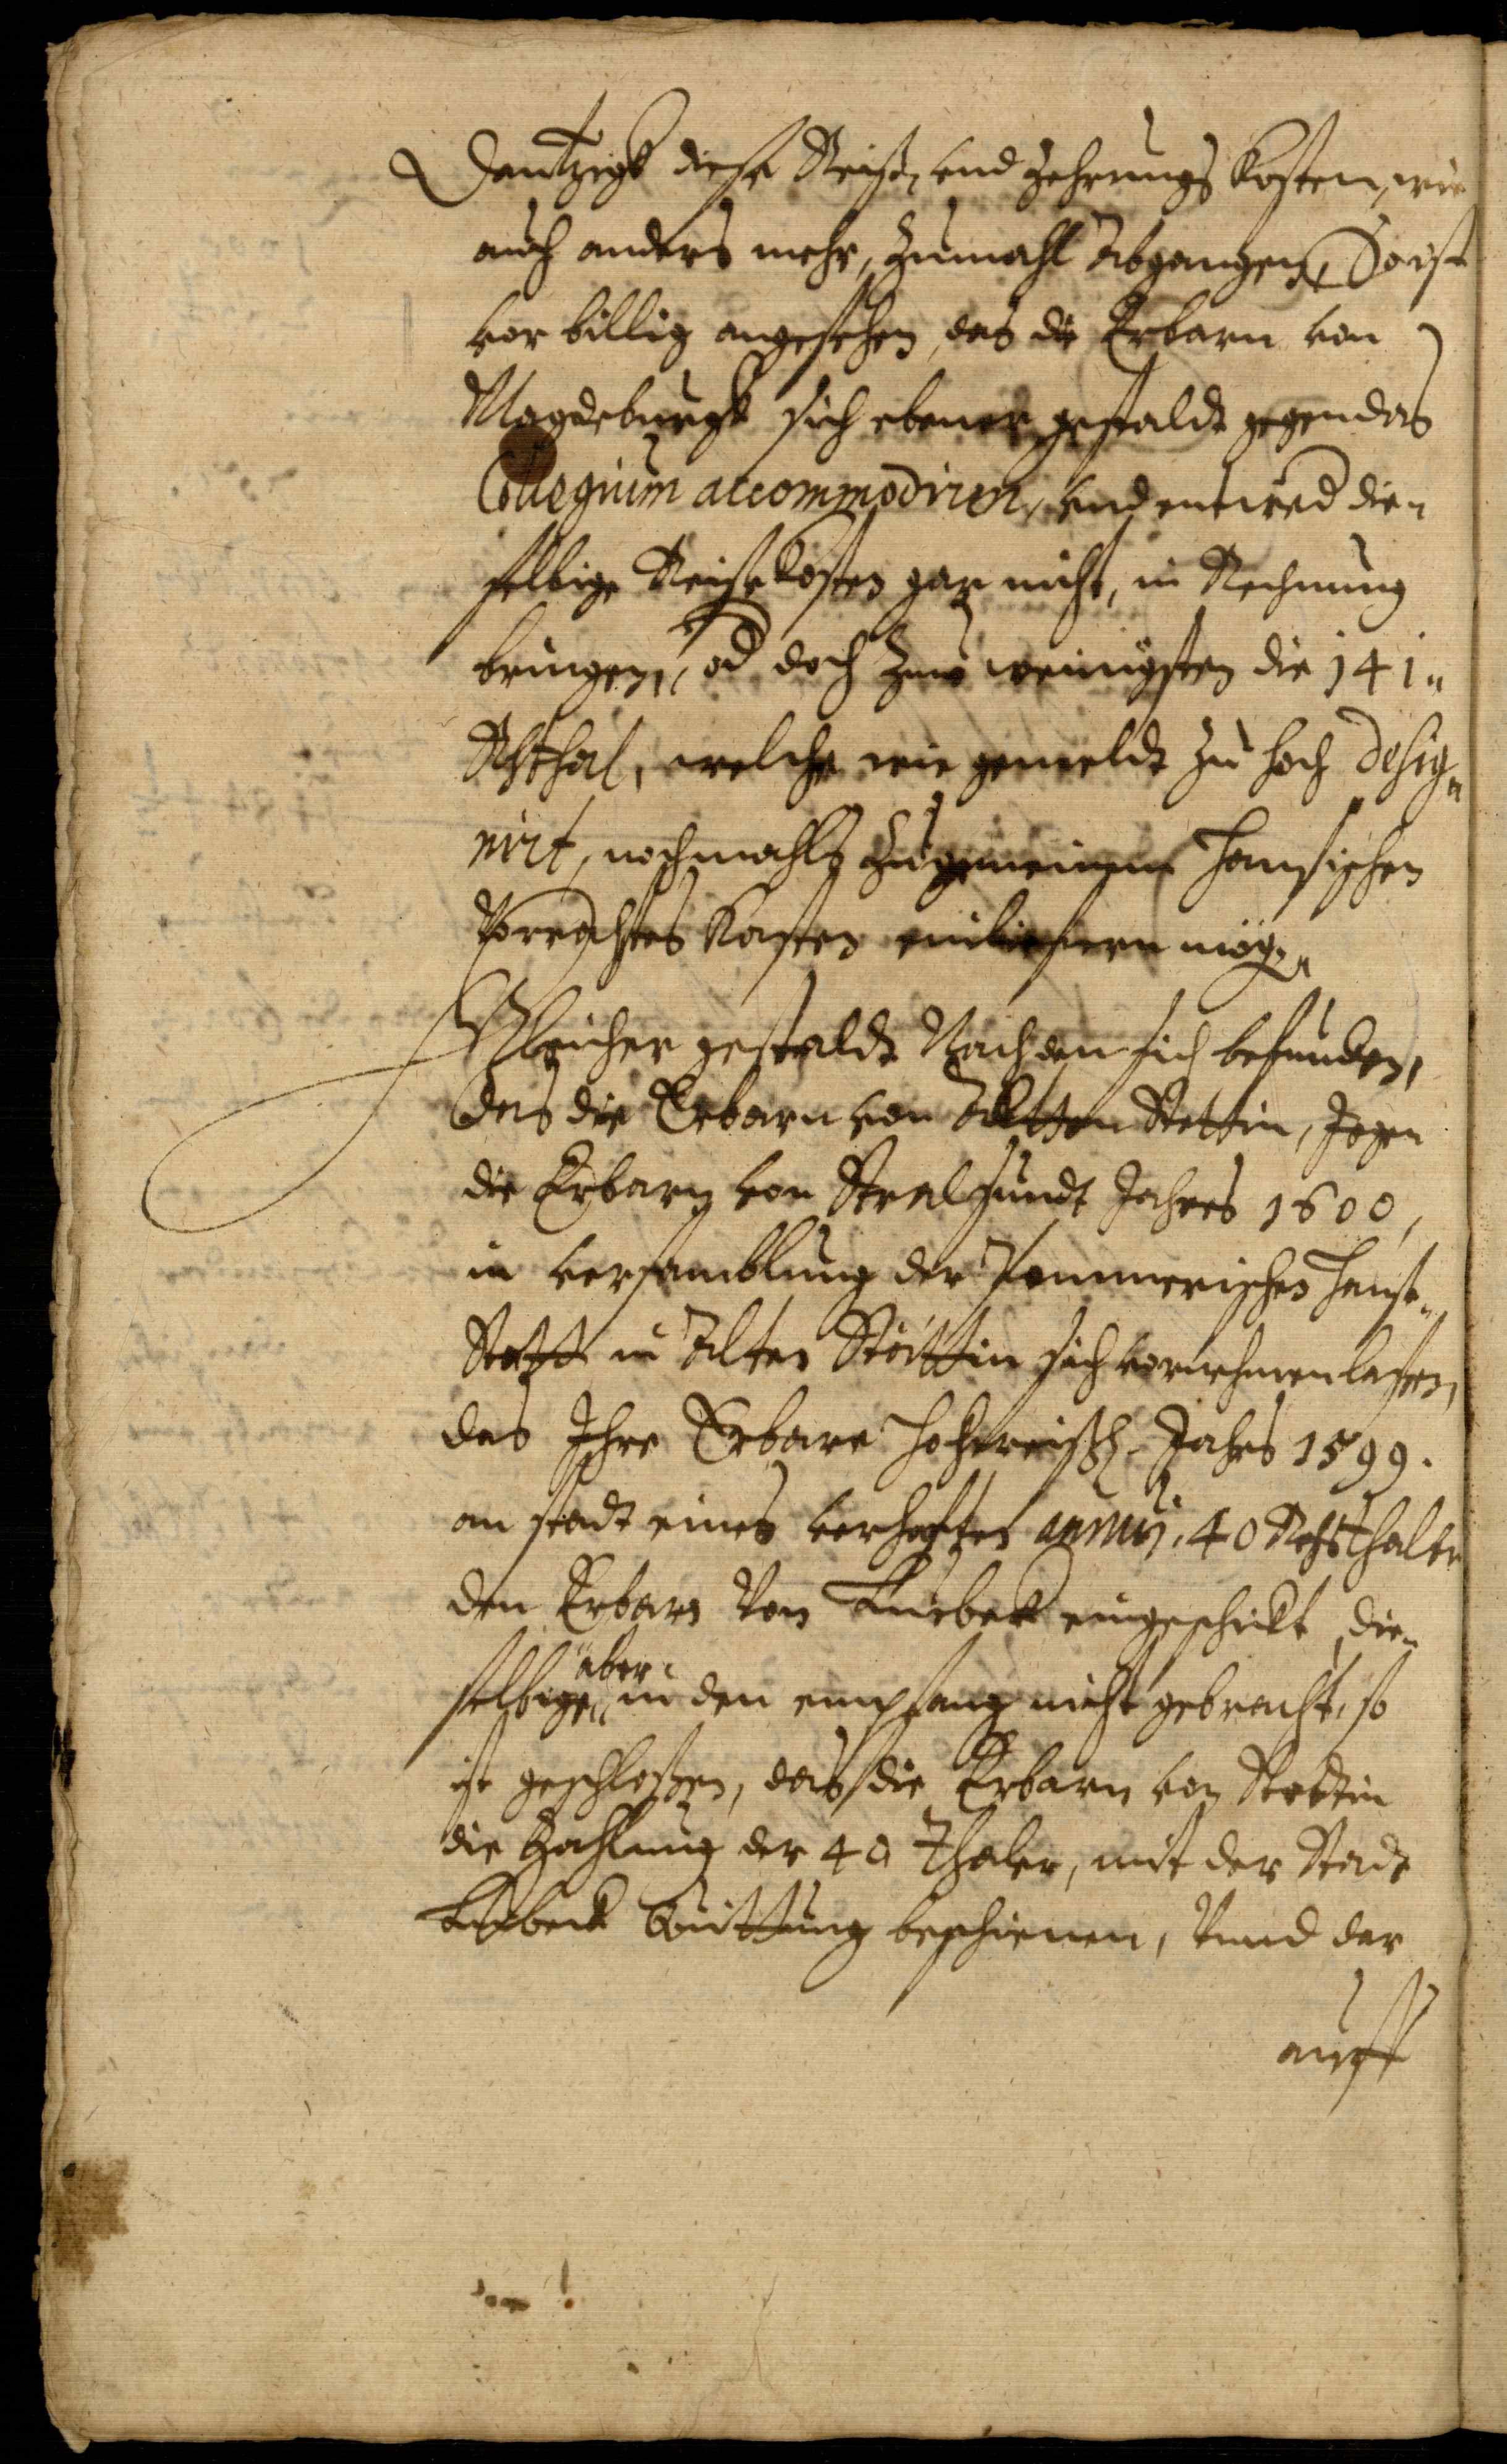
Dantzigk diese Reiß vnd zehrungs Kosten, wie
auch anders mehr, zumahl Abgangen, So ist
vor billig angesehen, das die Erbarn von
Magdeburgk sich ebener gestaldt gegen das
Collegium accommodiret, vnd entweder die¬
selbige Reise Kosten gar nicht, in Rechnung
bringen, oder doch zum wenigsten die 141¬
Rhthal, welche wie gemeldt zu hoch desig¬
nirt, nochmahls zugemeinem hansischen
vorrahtes Kosten einliefern mögen
Gleicher gestalt Nach den sich befunden,
das die Erbarn von alten Stettin Jegen
die Erbarn von Stralsundt Jahres 1600,
in versamblung der Pommerischen Hanse¬
Statt im alten Stättin sich vornehmen lassen,
das Ihre Erbarn hochweißh. Jahres 1599.
an stadt eines verhaften annui, 40 Rehsthaler
den Erbarn Von Luebek eingeschickt, die¬
selbige äber in den empfang nicht gebracht, so
ist geschloßen, das die Erbarn von Stettin
die zahlung der 40 Thaler, mit der Stadt
Lubeck Quittung beschienen, Vnnd dar
auff
